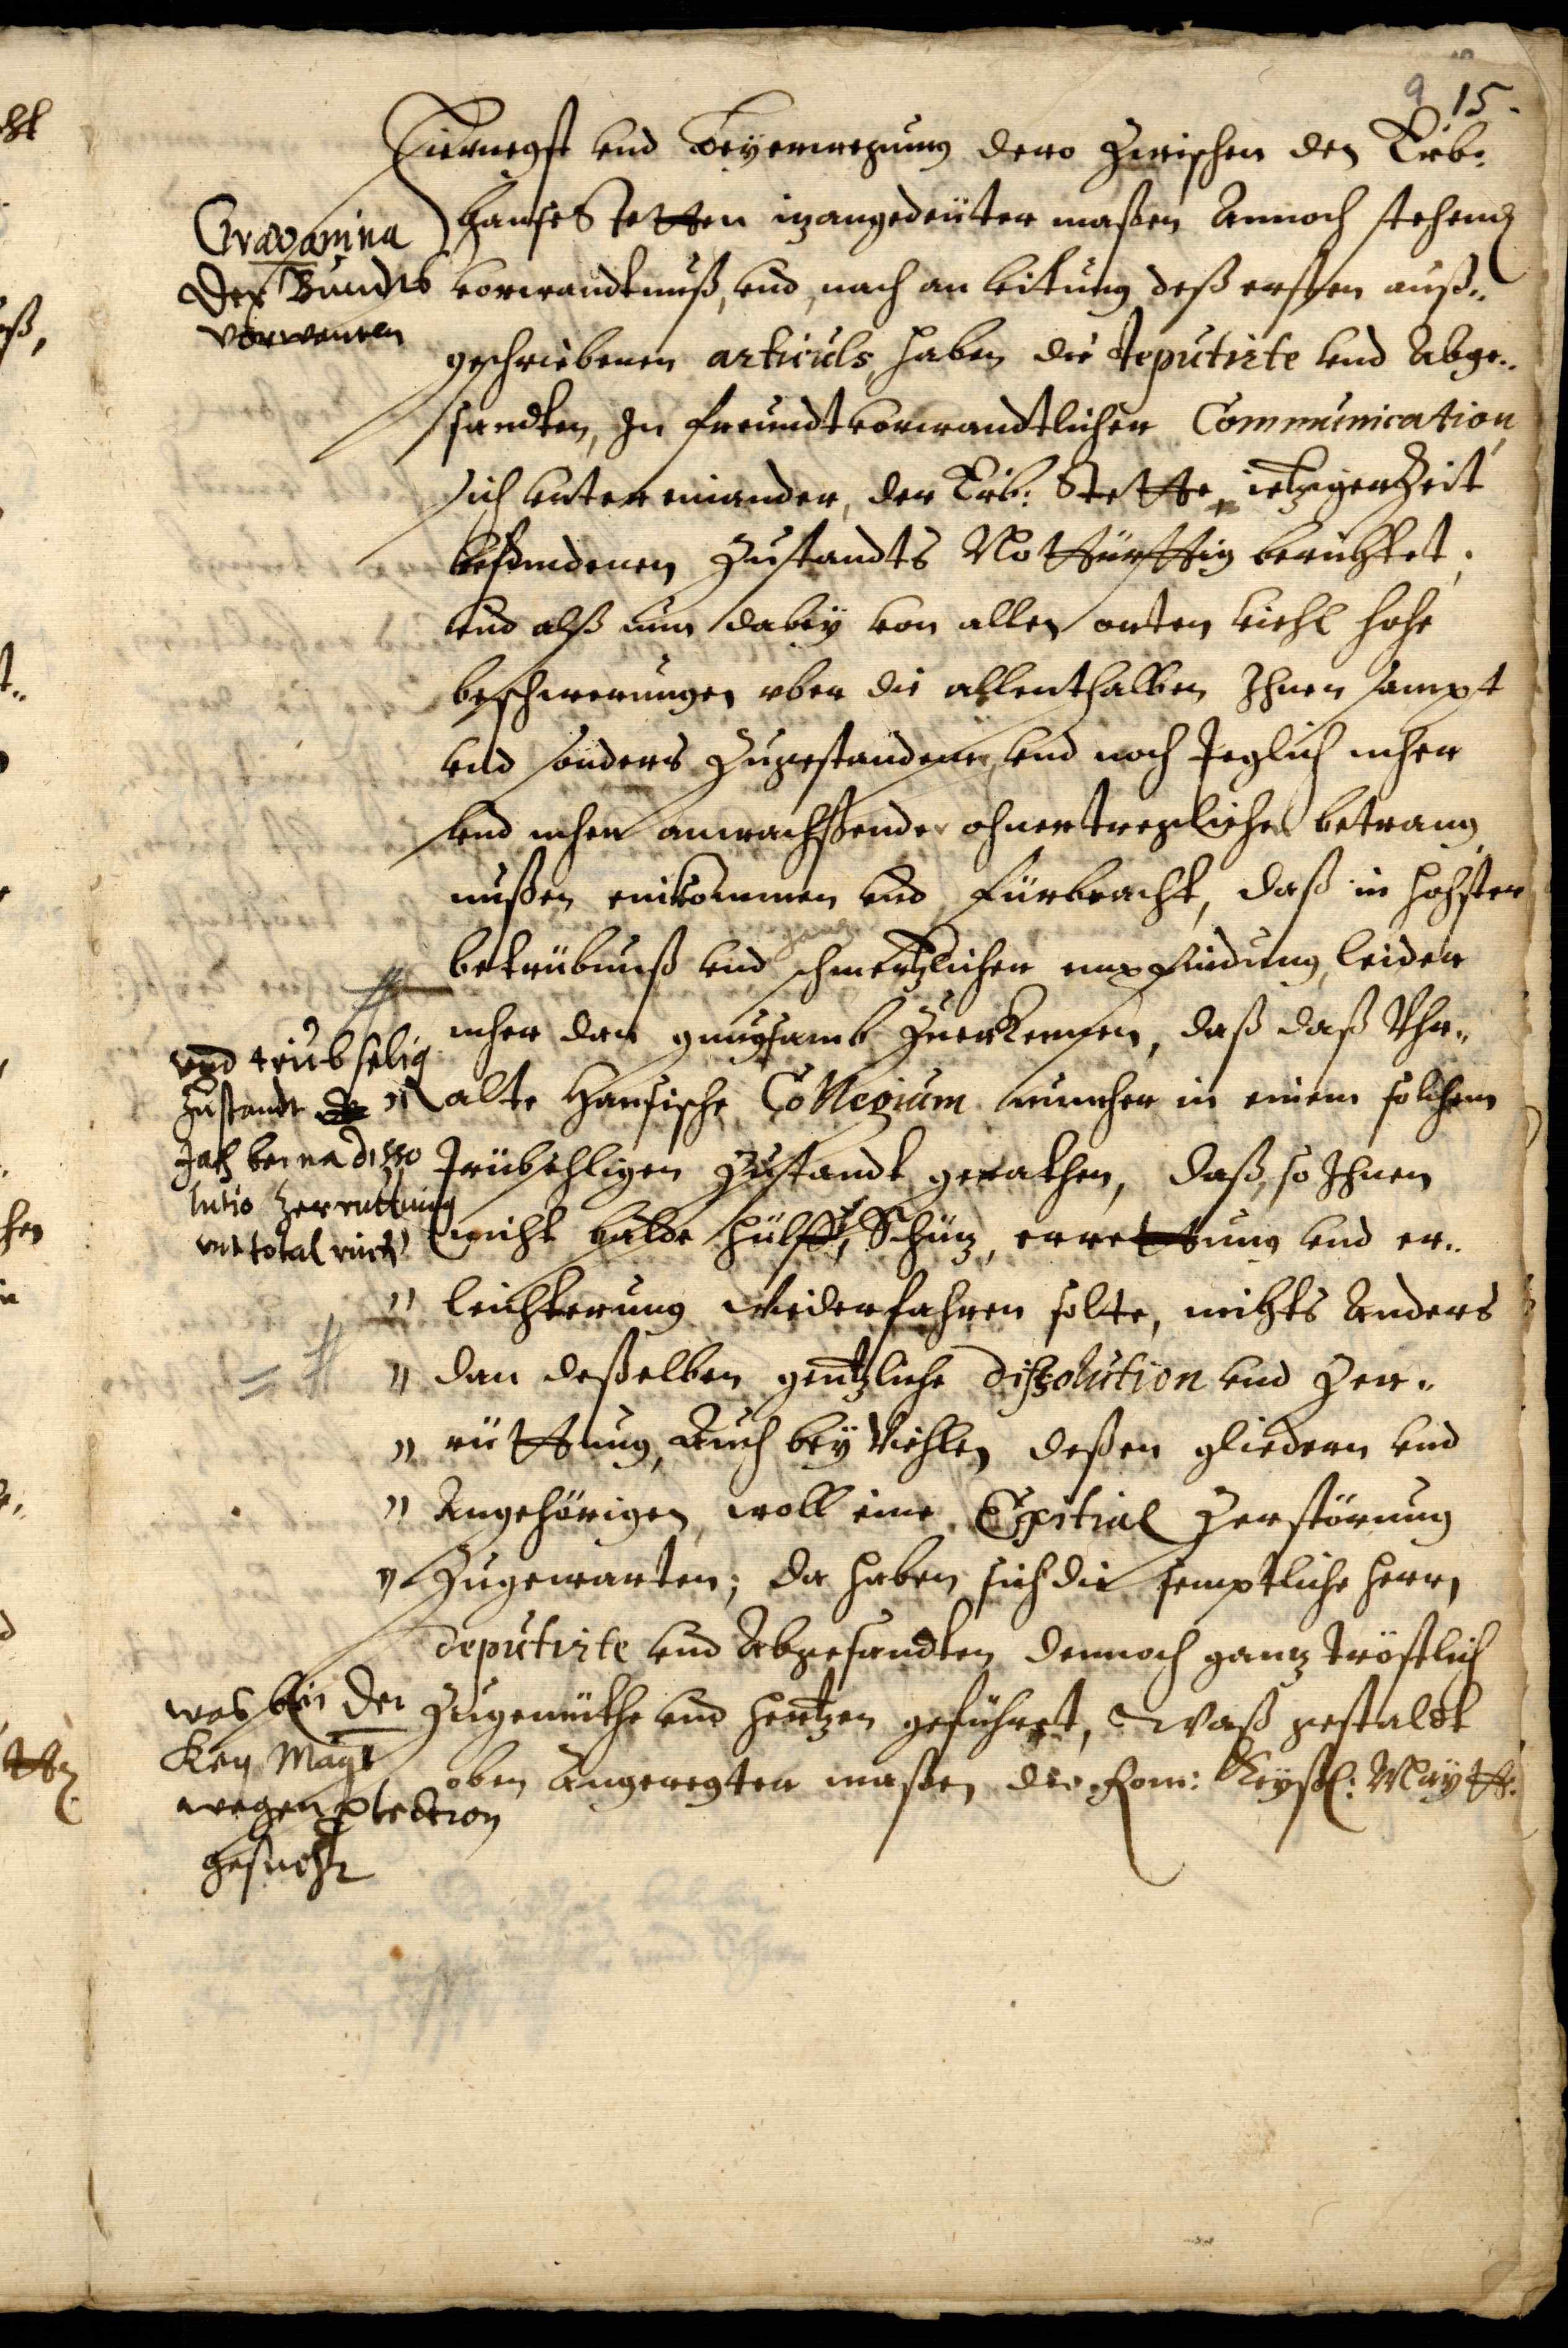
15.
Gravamina
der Bundis
vorwanten
vnd trub seligen
Zustand de
Iah beina disso
lutio Zerruttung
vnt total rind
was bei der
key mayt
wegen plediron
gefiohr
Hiernegst vnd Beijerwegung dero zwischen den Erb:
Hansestetten itzangedeüter maßen annoch stehenden
vorwandtnuß, vnd nach an leitung deß ersten auß¬
geschriebenen articuls, haben die deputirte vnd abge¬
sandten, in freundtvorwandtlicher Communication
sich vntereinander, der Erb: Stette, ietzigerzeit
befundenen zustandts Nottürfftig berichtet;
vnd alß nun dabeij von allen orten viehl hohe
beschwerungen uber die allenthalben ihnen sampt
vnd sonders zugestandene vnd noch teglich mher
vnd mher anwachßende ohnertregliche betrang¬
nußen einkommen vnd fürbracht, daß in hohster
betrübnuß vnd schmertzlicher empfindung, leider
mher dan gnugsamb zuerkennen, daß daß Vhr¬
alte Hansische Collegium numher in einem solchem
Trübsehligen zustandt gerathen, daß, so ihnen
nicht balde hülff, Schütz, errettung vnd er¬
leichterung wiederfahren solte, nichts anders
dan deßelben gentzliche dissolution vnd zer¬
rüttung, auch beij viehlen deßen gliedern vnd
angehörigen woll eine Exitial zerstörung
zugewarten; da haben sich die semptliche herrn
deputirte vnd abgesandten dennoch gantz tröstlich
zugemüthe vnd hertzen geführet, Waß gestaldt
oben angeregten maßen der Rom: Keijßl: Maijtt:
